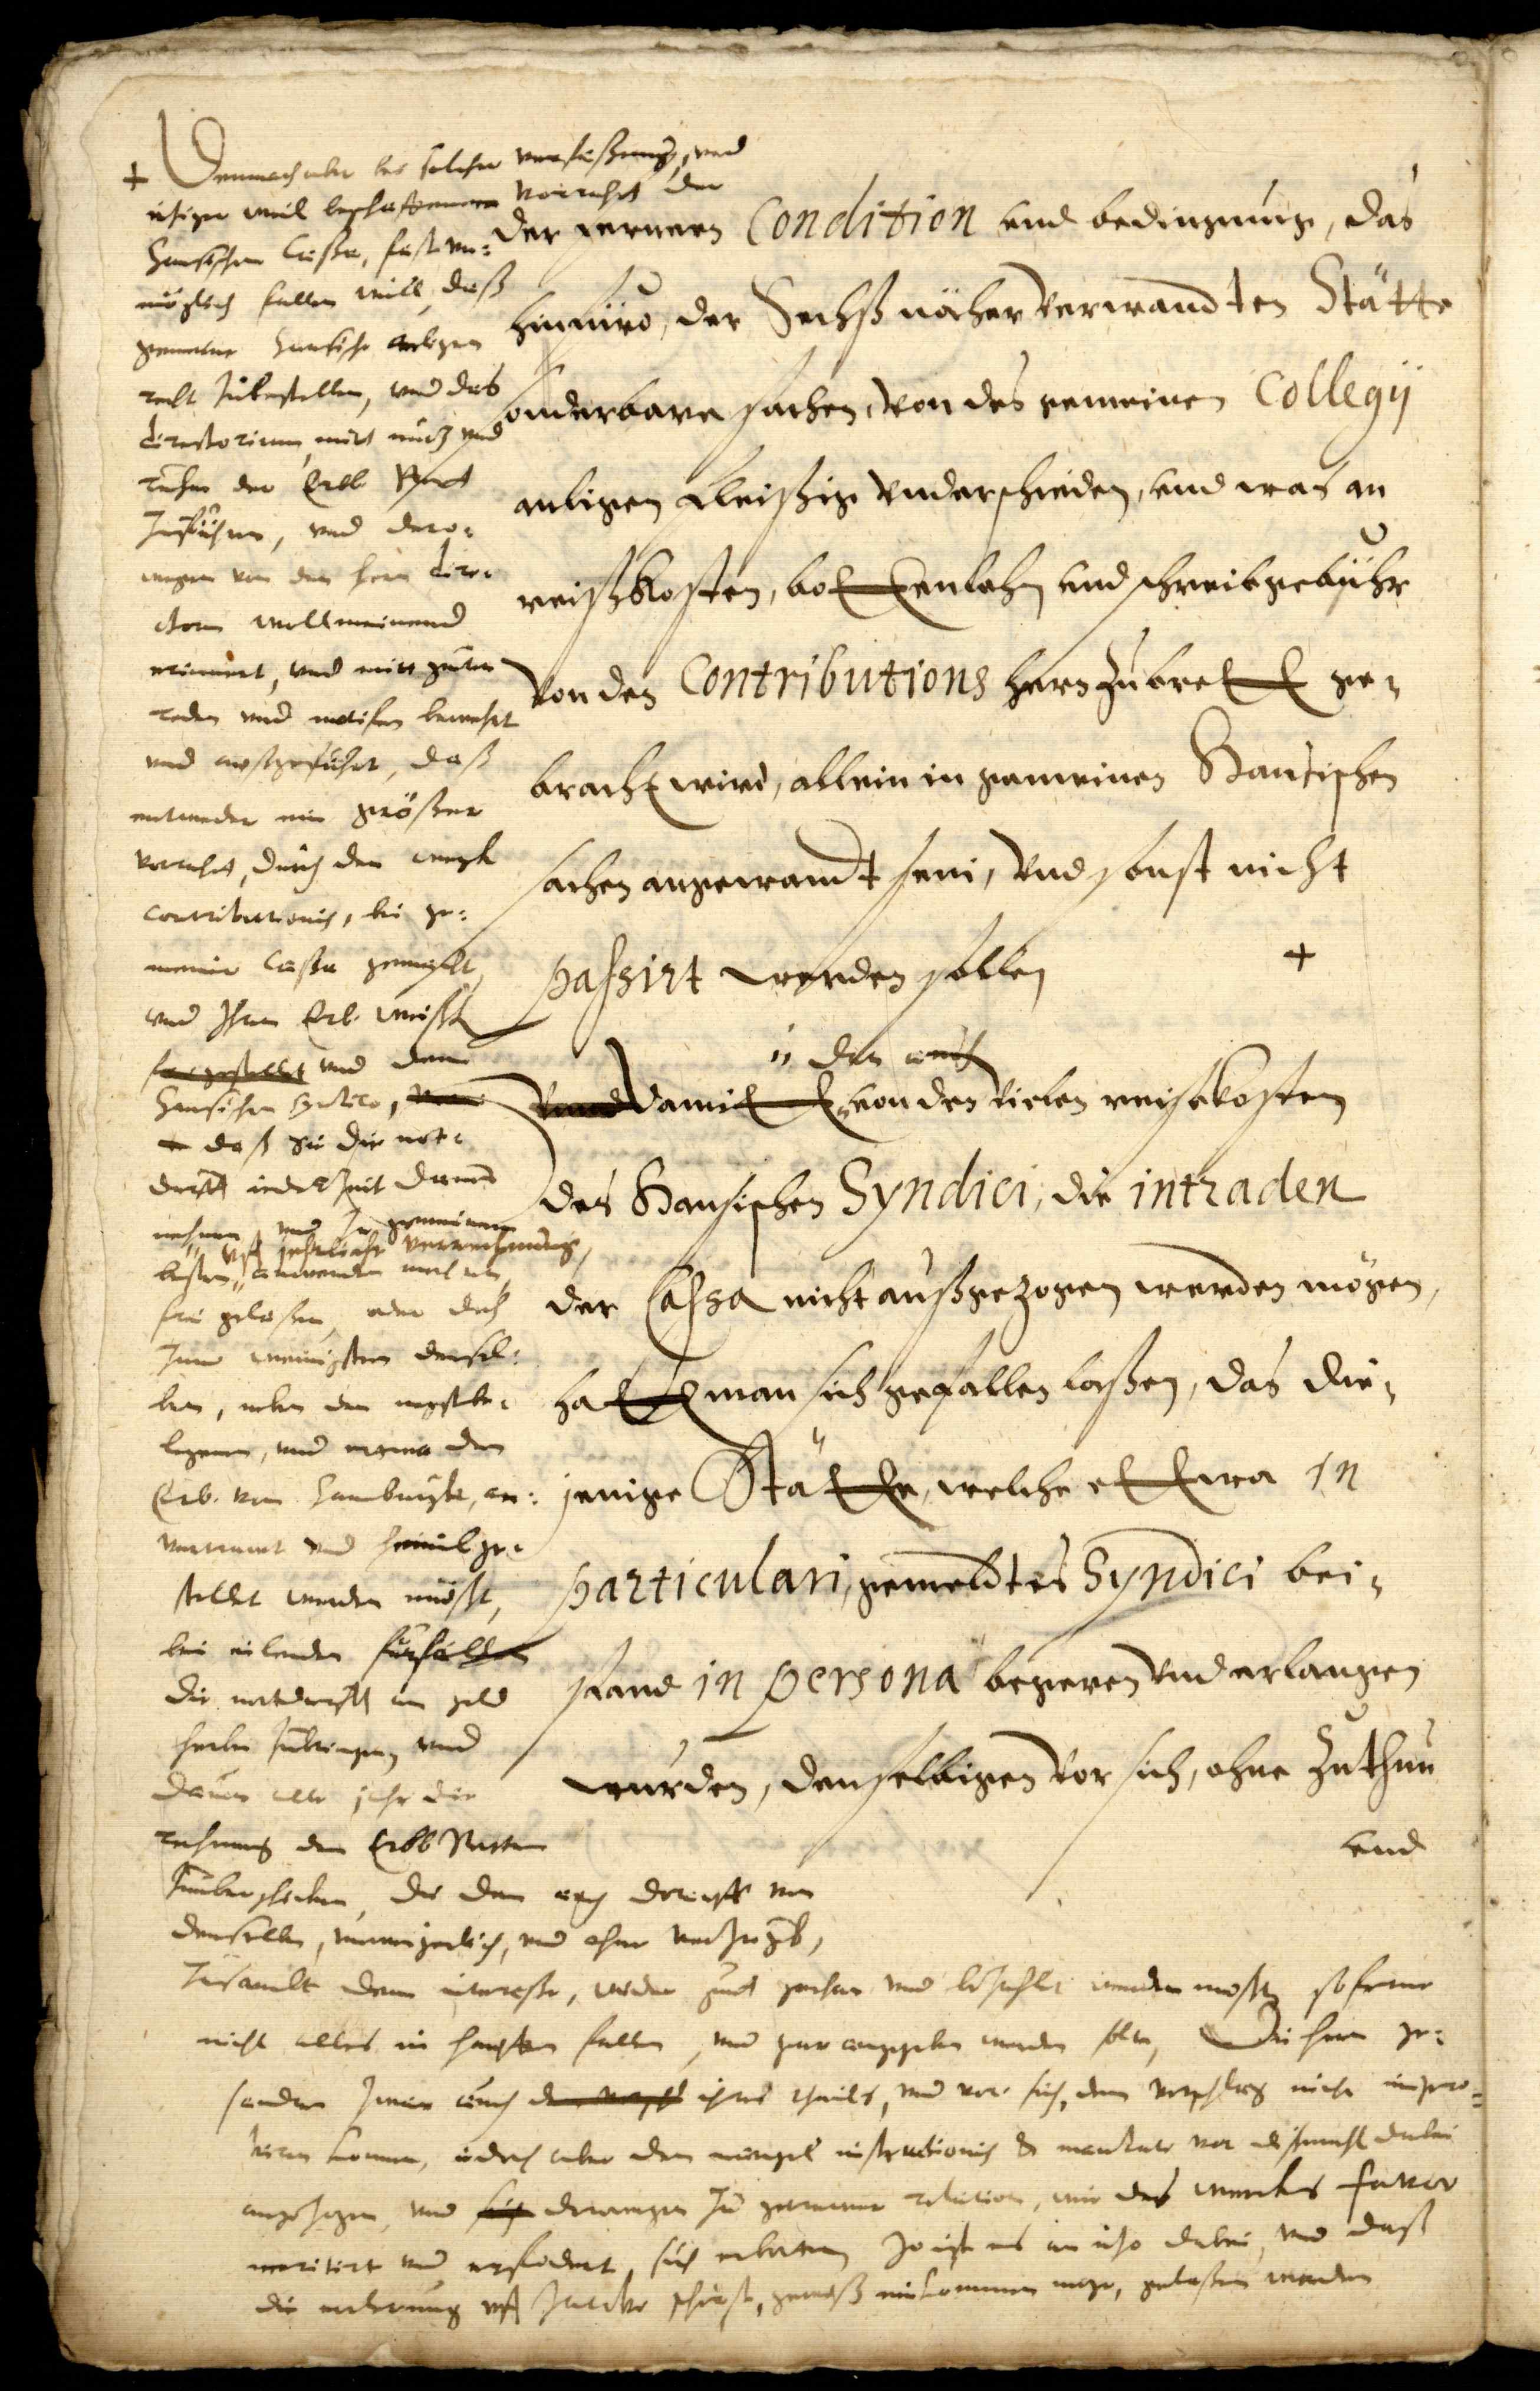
+ demnach aber bei solcher verfaßung, vnd
itiger weil beschaffennen vorraht der
Hansischen Caßa, fast un¬
möglich fallen will, daß
gemeine hansische anligen
recht zubestellen, vnd das
directorium, mitt nuttz und
ruhm der Erbb Stet
zuführn, und dero¬
wegen von den herrn dire¬
ctorn wollmeinend
erinnert, vnd mitt guten
reden und motifen bewehrt
vnd außgeführt, daß
entweder ein größer
vorraht, durch den wegk
contributionis, bei ge¬
meiner Caßa gemacht
vnd Ihren Erb. weißh.
fergestellt vnd dem
Hansischen Syndico, vnnd
te daß Sie die not¬
durfft iederZeit damit
nehmen, vnd zu gemeinen
* vff jehrliche verrechnung
lasten * anwenden vnd un¬
frei gelaßen, oder doch
zum wenigsten densel¬
ben, neben den negstbe¬
legenen, vnd ettwa den
Erb. von hamburgk an¬
vertrawt vnd heimbge¬
stellt werden möcht,
bei eilenden fürfallen
die notdurfft in geld
herbei zubringen, vnd
darum alle jahr die
rechnung den Erbb Stetten
zueberschicken, der den auch dereinst von
denselben, trwen jedich, vnd ohne verzugk
Insambt dem intereße, wurde gut gethan vnd bezahlt werden mosten so ferner
nicht alles in hintten fallen, vnd zur angegeben werden solte, Die hern ge¬
sandten zwar auch den verschl ihrs theils, vnd vor sich, den verschlus nicht eingero¬
tieren kommen, iedoch aber den mangel instructionis & mandate vor dißmahl dabei
angezogen, und folgen derowegen zu gemeiner relation, wie das mancher faktor
meritirt vnd erfordert, sich erboten So ist es an itzo dabei, vnd daß
die rechnung erst Jacobi gelöst, gemäß einkommen moge, gelaßen werden
der fernern Condition vnd bedingung, das
hinfüro der Sechß näher verwandten Stätte
sonderbarn sachen, Von des gemeinen Collegij
anligen fleißig vnderschieden, vnd was an
reißkosten, bottenlohn vnd schreibgebühr
Von den Contributions hern zu brett ge¬
bracht wird, allein in gemeinen Hansischen
sachen angewandt sein, Vnd sonst nicht
passirt werden sollen
+
* dan auch
Vnnd Damitt * von den Vielen reisekosten
des Hansischen Syndici, die intraden
der Cassa nicht außgezogen werden mögen,
hatt man sich gefallen laßen, das die¬
jenige Stätte, welche ettwa in
particulari gemeldtes Syndici bei¬
stand in persona begeren Vnd erlangen
wurden, denselbigen Vor sich, ohne Zuthun
vnd
